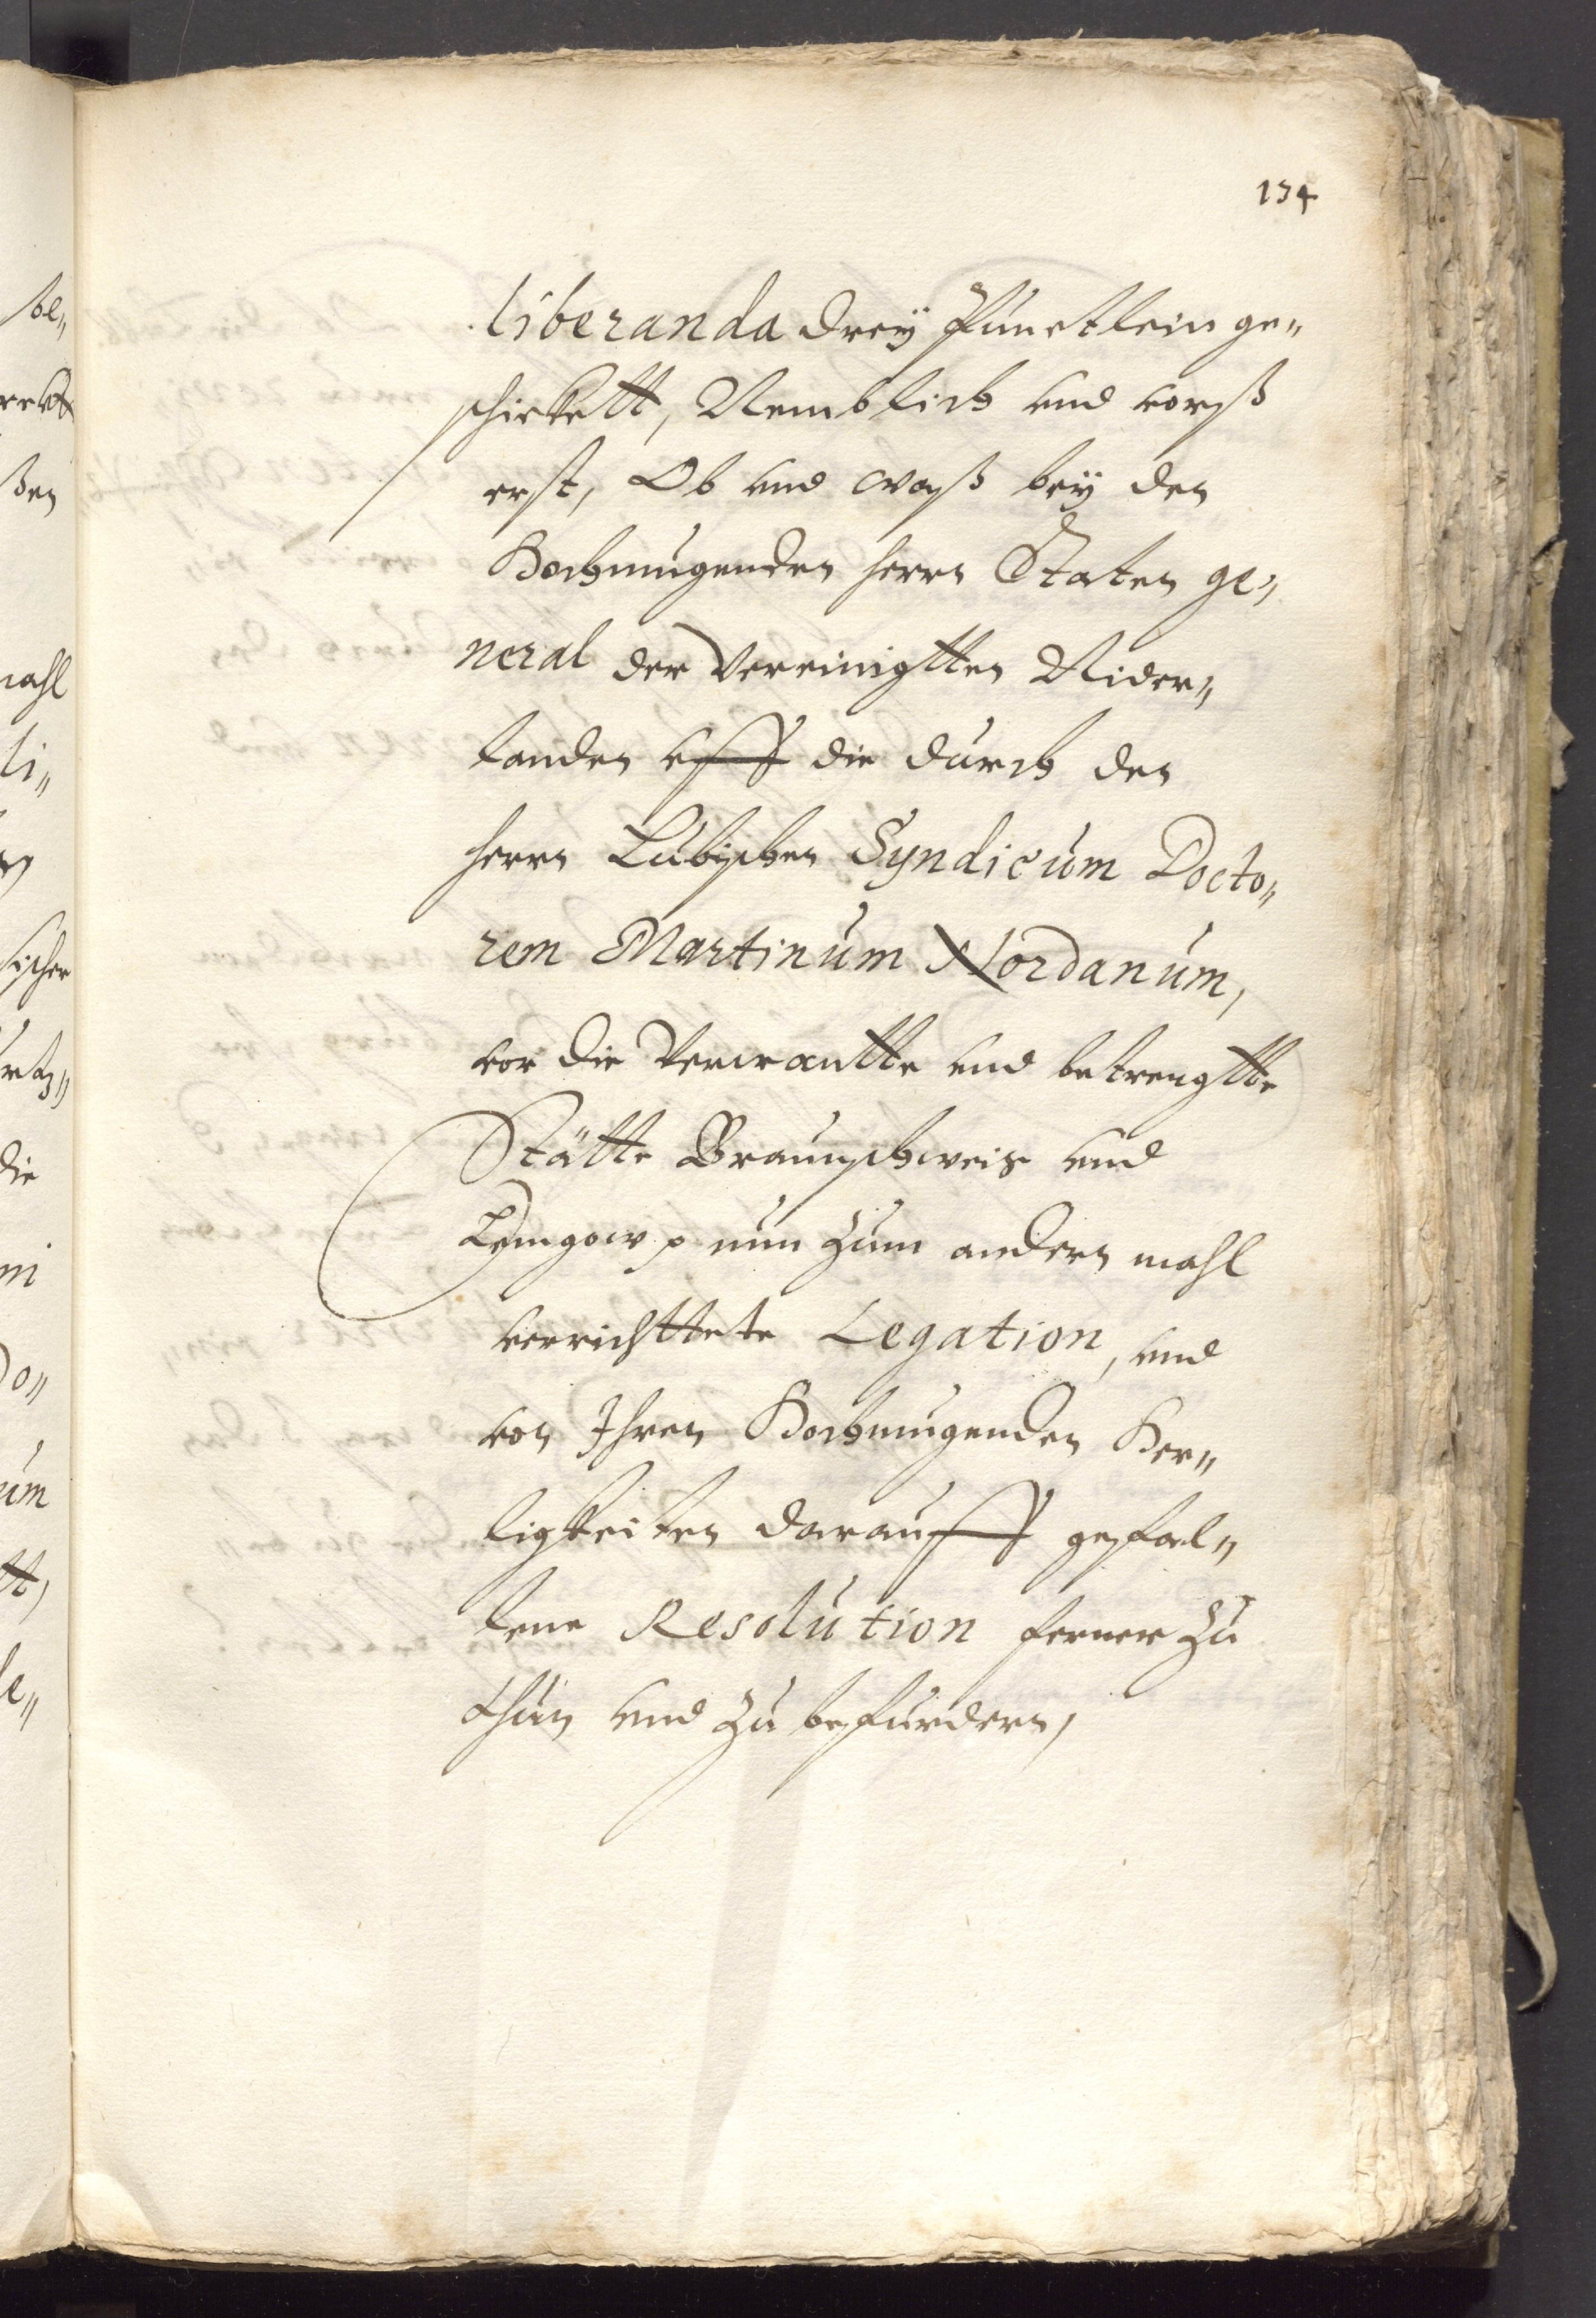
134
liberanda dreij Punctlein ge¬
schickett, Nemblich vnd vorß
erst, ob vnd waß beij den
Hochmugenden herrn Staten ge¬
neral der Vereinigtten Nider¬
landen vff die durch den
herrn Lubischen Syndicum Docto¬
rem Martinum Nordanum,
vor die Verwantte vnd betrengtte
Stätte Braunschweig vnd
Lemgow, nun zum andern mahl
verrichttete Legation, vnd
von Jhren Hochmugenden Her¬
ligkeiten darauff gefal¬
lene Resolution ferner zu
thun vnd zu befurdern,
